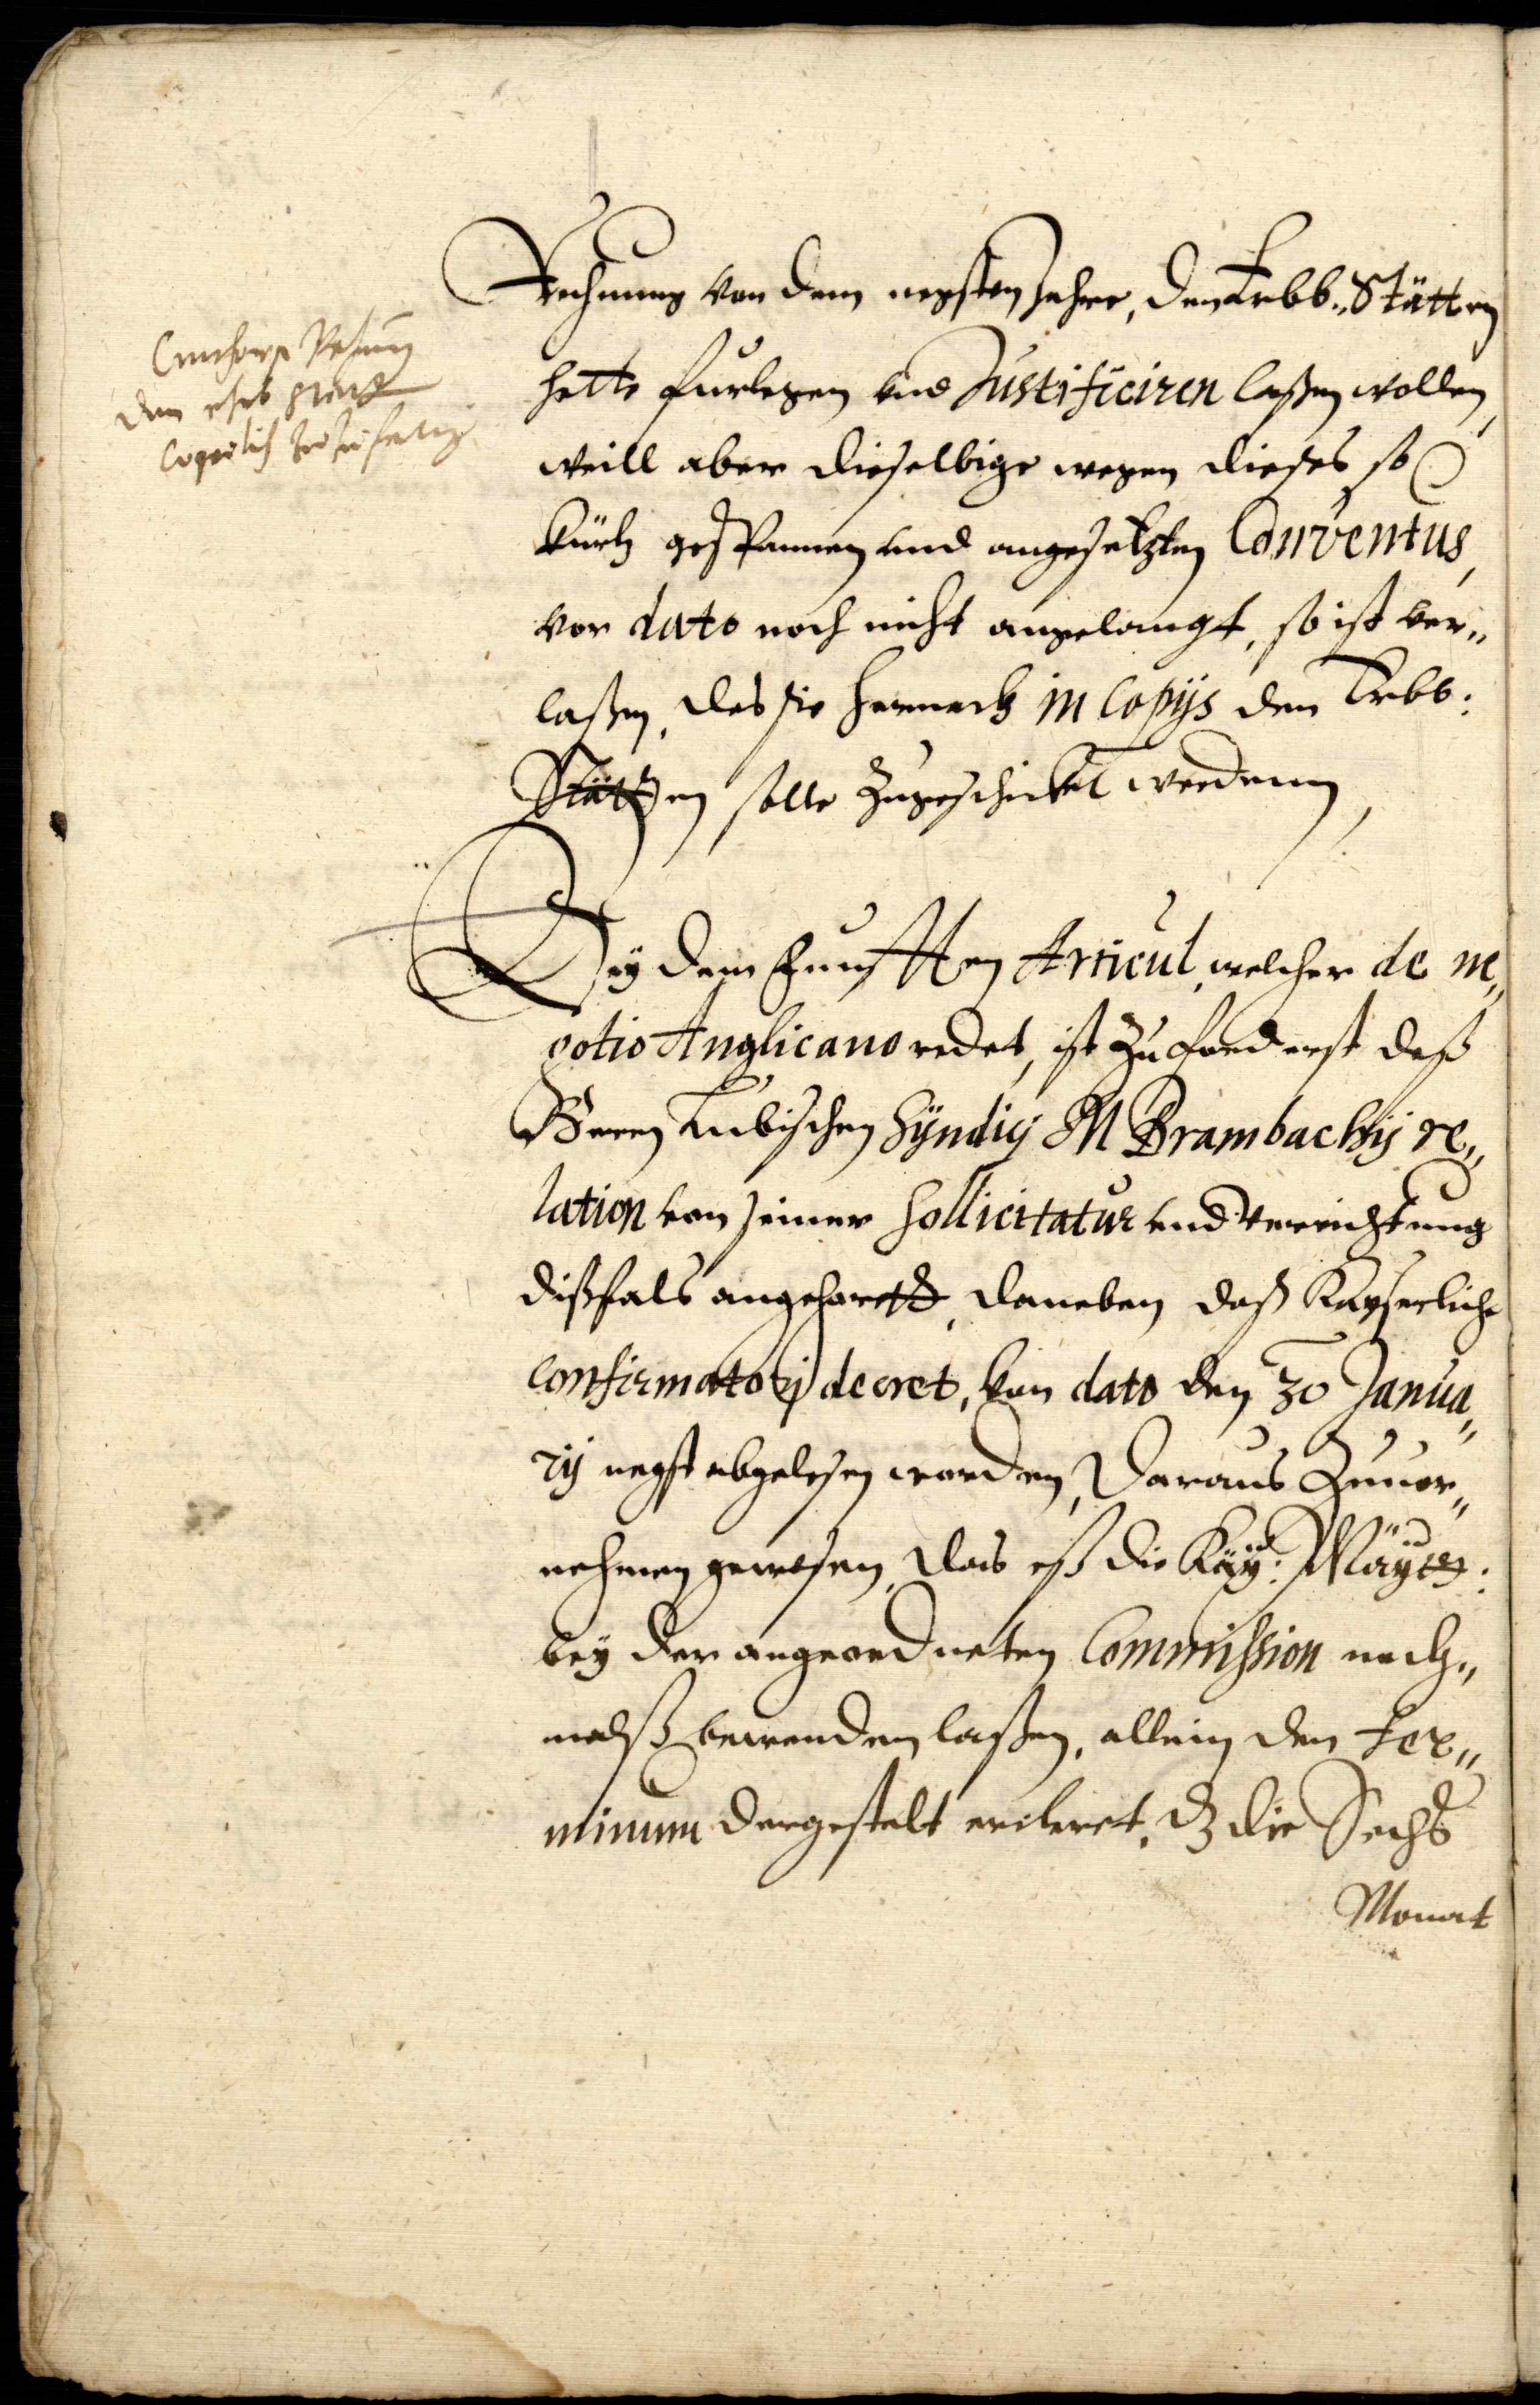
Cunthorn Rechnung
den ehrb stetten
Copeilich zuzufertigen
Rechnung von dem negsten Jahre, den Erbb: Stätten
hette furlegen vnd Justificiren laßen wollen,
weill aber dieselbige wegen dieses so
kürtz gespannen vnd angesetzten Conventus,
vor dato noch nicht angelangt, so ist ver¬
laßen, das sie hernach in Copijs den Erbb:
Stätten solle zugeschickt werdenn,
Beij dem funfften Articul, welcher de ne¬
gotio Anglicano redet, ist zuforderst deß
Herrn Lubischen Sijndici M Brambachij re¬
lation von seiner Sollicitatur vnd Verrichtung
dißfals angehorth, daneben daß Kayserliche
confirmatorij decret, von dato den 30 Janua¬
rij negst abgelesen worden, Daraus zuuor¬
nehmen gewesen, das eß die Käij: Mäijtt:
beij der angeordneten Commission nach¬
malß bewenden laßen, allein den ter¬
minum dergestalt ercleret, das die Sechs
Monat
